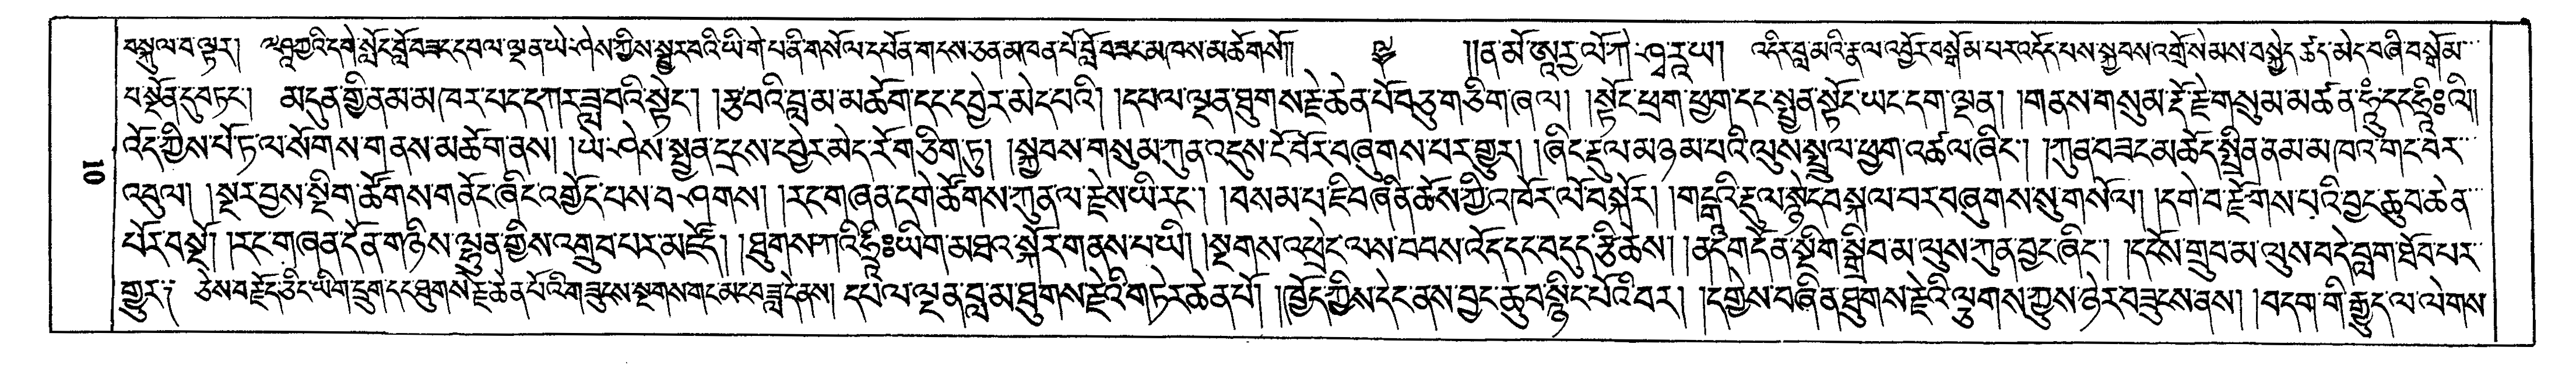བསྐུལ་བ་ལྟར། ༧ཤཱཀྱའི་དགེ་སློང་བློ་བཟང་དཔལ་ལྡན་ཡེ་ཤེས་ཀྱིས་སྦྱར་བའི་ཡི་གེ་བ་ནི་གསོལ་དཔོན་གངས་ཅན་མཁན་པོ་བློ་བཟང་མཁས་མཆོག་གོ། ༈ །།ན་མོ་ཨཱརྱ་ལོ་ཀེ་ཤྭརཱ་ཡ། འདིར་བླ་མའི་རྣལ་འབྱོར་བསྒོམ་པར་འདོད་པས་སྐྱབས་འགྲོ་སེམས་བསྐྱེད་ཚད་མེད་བཞི་བསྒོམ་
བ་སྔོན་དུ་བཏང་། མདུན་གྱི་ནམ་མཁར་པད་དཀར་ཟླ་བའི་སྟེང་། །རྩ་བའི་བླ་མ་མཆོག་དང་དབྱེར་མེད་པའི། །དཔལ་ལྡན་ཐུགས་རྗེ་ཆེན་པོ་བཅུ་གཅིག་ཞལ། །སྟོང་ཕྲག་ཕྱག་དང་སྤྱན་སྟོང་ཡང་དག་ལྡན། །གནས་གསུམ་རྡོ་རྗེ་གསུམ་མཚན་ཧཱུཾ་དང་ཧྲཱིཿའི།།
འོད་ཀྱིས་པོ་ཏ་ལ་སོགས་གནས་མཆོག་ནས། །ཡེ་ཤེས་སྤྱན་དྲངས་དབྱེར་མེད་རོ་གཅིག་ཏུ། །སྐྱབས་གསུམ་ཀུན་འདུས་ངོ་བོར་བཞུགས་བར་གྱུར། །ཞིང་རྡུལ་མཉམ་པའི་ལུས་སྤྲུལ་ཕྱག་འཚལ་ཞིང་། །ཀུན་བཟང་མཆོད་སྤྲིན་ནམ་མཁའ་གང་བར་
འབུལ། །སྔར་བྱས་སྡིག་ཚོགས་གནོང་ཞིང་འགྱོད་པས་བཤགས། །རང་གཞན་དགེ་ཚོགས་ཀུན་ལ་རྗེས་ཡི་རང་། །བསམ་པ་ཇི་བཞིན་ཆོས་ཀྱི་འཁོར་ལོ་བསྐོར། །གངྒཱའི་རྡུལ་སྙེད་བསྐལ་པར་བཞུགས་སུ་གསོལ། །དགེ་བ་རྫོགས་པའི་བྱང་ཆུབ་ཆེན་
པོར་བསྔོ། །རང་གཞན་དོན་གཉིས་ལྷུན་གྱིས་འགྲུབ་པར་མཛོད། །ཐུགས་ཀའི་ཧྲཱིཿཡིག་མཐའ་སྐོར་གནས་པ་ཡི། །སྔགས་འཕྲེང་ལས་བབས་འོད་དང་བདུད་རྩི་ཆེས། །ནད་གདོན་སྡིག་སྒྲིབ་མ་ལུས་ཀུན་བྱང་ཞིང་། །དངོས་གྲུབ་མ་ལུས་བདེ་བླག་ཐོབ་པར་
གྱུར༑ ཅེས་བརྗོད་ཅིང་ཡིག་དྲུག་དང་ཐུགས་རྗེ་ཆེན་པོའི་གཟུངས་སྔགས་གང་མང་བཟླ། དེ་ནས།  དཔལ་ལྡན་བླ་མ་ཐུགས་རྗེའི་གཏེར་ཆེན་པོ། །ཁྱོད་ཀྱིས་དེང་ནས་བྱང་ཆུབ་སྙིང་པོའི་བར། །དགྱེས་བཞིན་ཐུགས་རྗེའི་ལྕགས་ཀྱུས་ཉེར་བཟུངས་ནས། །བདག་གི་རྒྱུད་ལ་ལེགས་